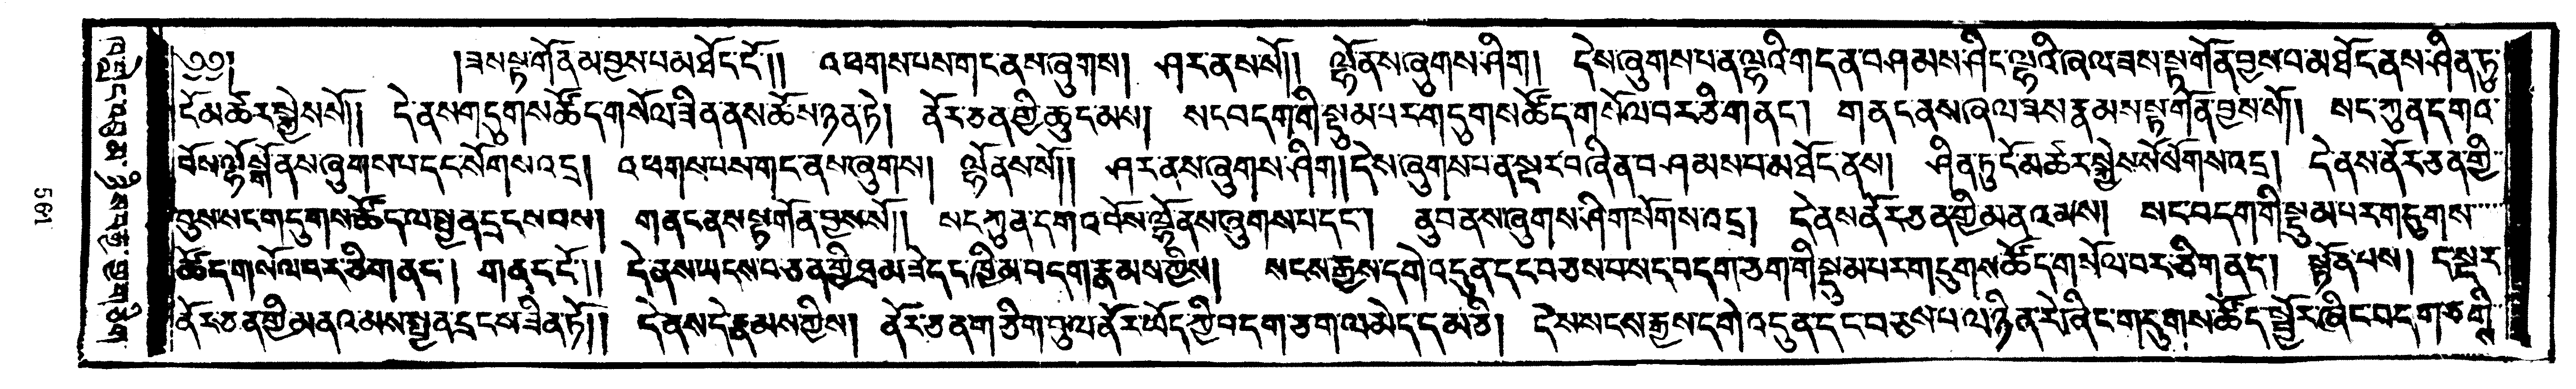༄༅། །ཟས་སྟ་གོན་མ་བྱས་པ་མཐོང་ངོ།། འཕགས་པས་གང་ནས་ཞུགས། ཤར་ནས་སོ།། ལྷོ་ནས་ཞུགས་ཤིག། དེས་ཞུགས་པ་ན་ལྷའི་གདན་བཤམས་ཤིང་ལྷའི་ཞལ་ཟས་སྟ་གོན་བྱས་པ་མཐོང་ནས་ཤིན་ཏུ་
ངོ་མཚར་སྐྱེས་སོ།། དེ་ནས་གདུགས་ཚོད་གསོལ་ཟིན་ནས་ཆོས་ཉན་ཏེ། ནོར་ཅན་གྱི་ཆུང་མས། སང་བདག་གི་སྡུམ་པར་གདུགས་ཚོད་གསོལ་བར་ཅི་གནང་། གནང་ནས་ཞལ་ཟས་རྣམས་སྟ་གོན་བྱས་སོ།། སང་ཀུན་དགའ་
བོས་ལྷོ་སྒོ་ནས་ཞུགས་པ་དང་སོགས་འདྲ། འཕགས་པས་གང་ནས་ཞུགས། ལྷོ་ནས་སོ།། ཤར་ནས་ཞུགས་ཤིག། དེས་ཞུགས་པ་ན་སྔར་བཞིན་བཤམས་པ་མཐོང་ནས། ཤིན་ཏུ་ངོ་མཚར་སྐྱེས་སོ་སོགས་འདྲ། དེ་ནས་ནོར་ཅན་གྱི་
བུས་སང་གདུགས་ཚོད་ལ་སྤྱན་དྲངས་བས། གནང་ནས་སྟ་གོན་བྱས་སོ།། སང་ཀུན་དགའ་བོས་ལྷོ་ནས་ཞུགས་པ་དང་། ནུབ་ནས་ཞུགས་ཤིག་སོགས་འདྲ། དེ་ནས་ནོར་ཅན་གྱི་མནའ་མས། སང་བདག་གི་སྡུམ་པར་གདུགས་
ཚོད་གསོལ་བར་ཅི་གནང་། གནང་ངོ།། དེ་ནས་ཡངས་པ་ཅན་གྱི་ཐམ་ཟེ་དང་ཁྱིམ་བདག་རྣམས་ཀྱིས། སངས་རྒྱས་དགེ་འདུན་དང་བཅས་པ་སད་བདག་ཅག་གི་སྡུམ་པར་གདུགས་ཚོད་གསོལ་བར་ཅིག་ནད། སྟོན་པས། ད་སྔར་
ནོར་ཅན་གྱི་མནའ་མས་སྤྱན་དྲངས་ཟིན་ཏོ།། དེ་ནས་དེ་རྣམས་ཀྱིས། ནོར་ཅན་གཅིག་བུ་ལ་ནོར་ཡོད་ཀྱི་བདག་ཅག་ལ་མེད་དམ་ཅི། དེས་སངས་རྒྱས་དགེ་འདུན་དང་བཅས་པ་ལ་ཉིན་རེ་ཞིང་གདུགས་ཚོད་སྦྱོར་ཞིང་བདག་གཅིགས་